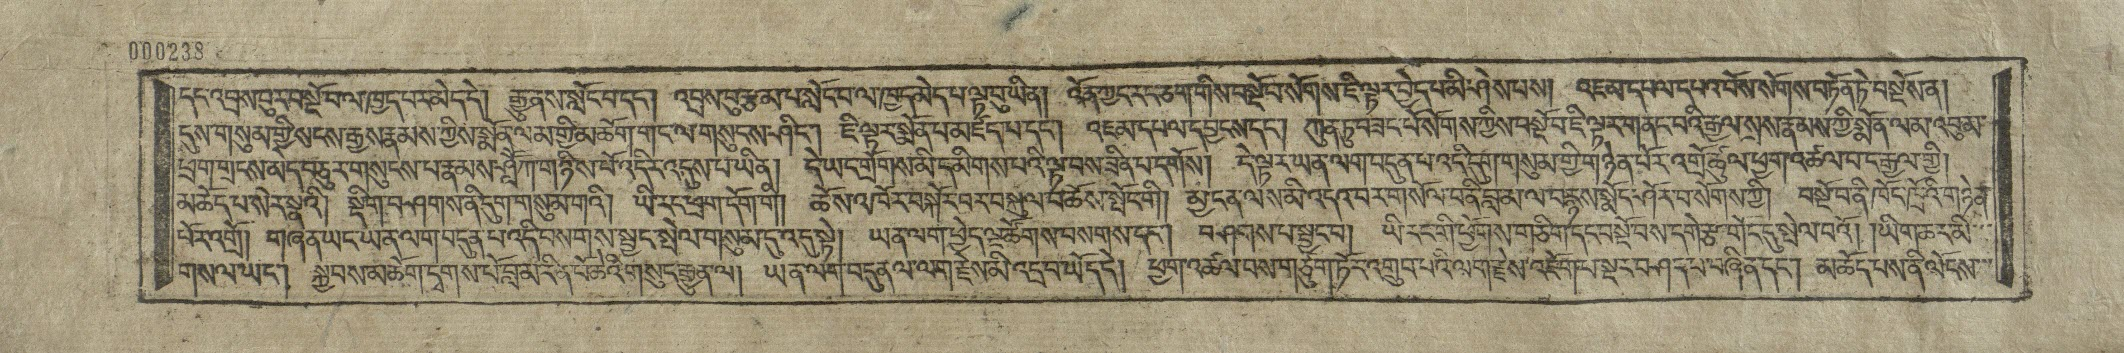དང་འབྲས་བུར་བསྔོ་བ་ལ་ཁྱད་པར་མེད་དེ། རྒྱུ་ནས་སློང་བ་དང་། འབྲས་བུ་རྩམ་པ་སློང་བ་ལ་ཁྱད་མེད་པ་ལྟ་བུ་ཡིན། འོན་ཀྱང་རང་ཅག་གིས་བསྔོ་བ་སོགས་ཇི་ལྟར་བྱེད་པ་མི་ཤེས་པས། འཇམ་དཔལ་དཔའ་བོས་སོགས་བཏོན་ཏེ་བསྔོས་ན།
དུས་གསུམ་གྱི་སངས་རྒྱས་རྣམས་ཀྱིས་སྨོན་ལམ་གྱི་མཆོག་གང་ལ་གསུངས་ཤིང་། ཇི་ལྟར་སྨོན་པ་མཛད་པ་དང་། འཇམ་དཔལ་དབྱངས་དང་། ཀུན་ཏུ་བཟང་པོ་སོགས་ཀྱིས་བསྔོ་བ་ཇི་ལྟར་གནང་བའི་རྒྱལ་སྲས་རྣམས་ཀྱི་སྨོན་ལམ་འབུམ་
ཕྲག་གྲངས་མེད་བཅུར་གསུངས་པ་རྣམས་ཤླཽཀ་གཉིས་པོ་འདིར་འདུས་པ་ཡིན། དེ་ཡང་གྲོགས་མི་དམིགས་པའི་ལྟ་བས་ཟིན་པ་དགོས། དེ་ལྟར་ཡན་ལག་བདུན་པ་འདི་དུག་གསུམ་གྱི་གཉེན་པོར་འགྲོ་ཚུལ་ཕྱག་འཚལ་བ་ང་རྒྱལ་གྱི།
མཆོད་པ་སེར་སྣའི། སྡིག་བཤགས་ནི་དུག་གསུམ་གའི། ཡི་རང་ཕྲག་དོག་གི། ཆོས་འཁོར་བསྐོར་བར་བསྐུལ་བ་ཆོས་སྤོང་གི། མྱ་ངན་ལས་མི་འདའ་བར་གསོལ་བ་ནི་བླ་མ་ལ་བརྙས་སྨོད་ཤོར་བ་སོགས་ཀྱི། བསྔོ་བ་ནི་ཁོང་ཁྲོའི་གཉེན་
པོར་འགྲོ། གཞན་ཡང་ཡན་ལག་བདུན་པ་འདི་བསགས་སྦྱང་སྤེལ་གསུམ་དུ་འདུ་སྟེ། ཡན་ལག་ཕྱེད་ལྔ་ཚོགས་བསགས་དང་། བཤགས་པ་སྦྱང་བ། ཡི་རང་གི་ཕྱོགས་གཅིག་དང་བསྔོ་བས་དགེ་རྩ་གོང་དུ་སྤེལ་བའོ། །ཡིག་ཆར་མི་
གསལ་ཡང་། སྐྱབས་མཆོག་དྭགས་པོ་བླ་མ་རིན་པོ་ཆེའི་གསུང་རྒྱུན་ལ། ཡན་ལག་བདུན་ལ་ལག་རྗེས་མི་འདྲ་བ་ཡོད་དེ། ཕྱག་འཚལ་བས་གཙུག་ཏོར་འགྲུབ་པའི་ལག་རྗེས་འཇོག་པ་སྔར་བཤད་པ་བཞིན་དང་། མཆོད་པས་ནི་ལོངས་